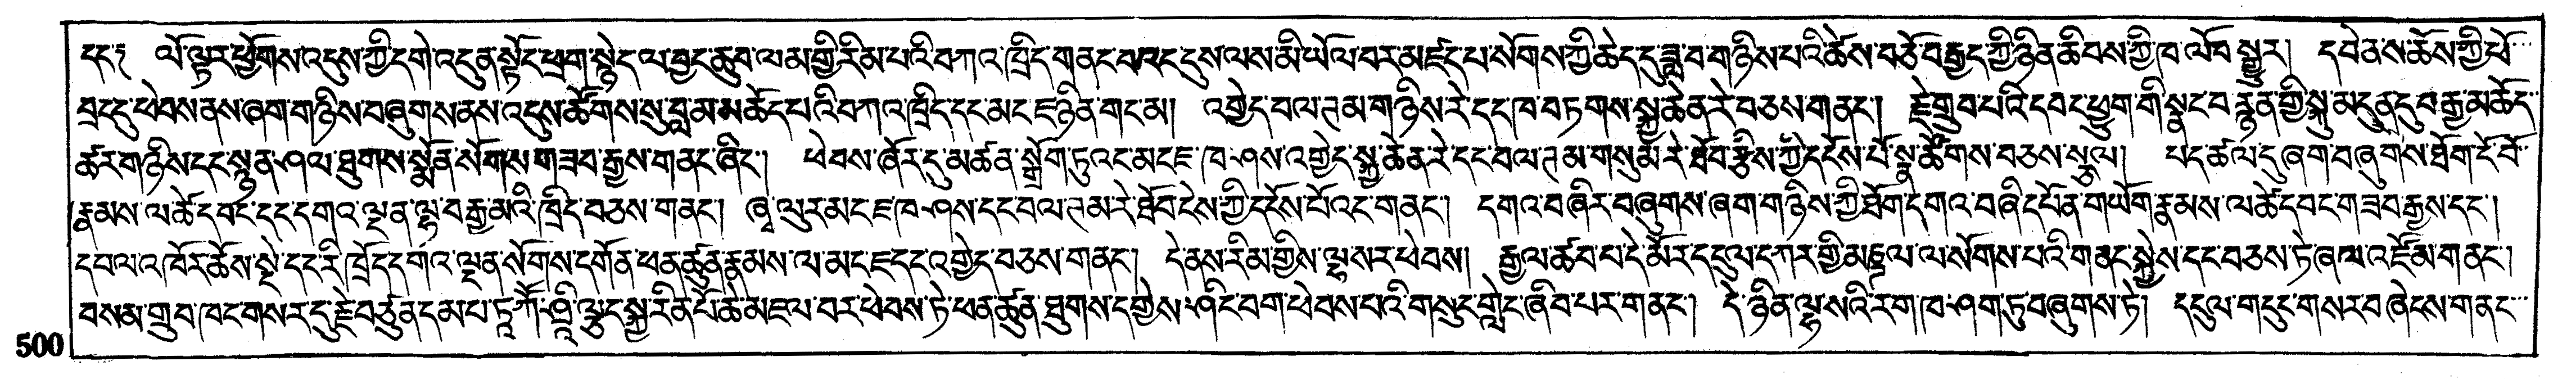དང༑ ལོ་ལྟར་ཕྱོགས་འདུས་ཀྱི་དགེ་འདུན་སྟོང་ཕྲག་སྙེད་ལ་བྱང་ཆུབ་ལམ་གྱི་རིམ་པའི་བཀའ་ཁྲིད་གནང་པའང་དུས་ལས་མི་ཡོལ་བར་མཛད་པ་སོགས་ཀྱི་ཆེད་དུ་ཟླ་བ་གཉིས་པའི་ཚེས་བཅོ་བརྒྱད་ཀྱི་ཉིན་ཆིབས་ཀྱི་ཁ་ལོ་བསྒྱུར། དབེན་ས་ཆོས་ཀྱི་ཕོ་
བྲང་དུ་ཕེབས་ནས་ཞག་གཉིས་བཞུགས་ནས་འདུས་ཚོགས་སུ་བླ་མ་མཆོད་པའི་བཀའ་ཁྲིད་དང་མང་ཇ་ཉིན་གང་མ། འགྱེད་བལ་ཊམ་གཉིས་རེ་དང་ཁ་བཏགས་སྐྱ་ཆེན་རེ་བཅས་གནང་། རྗེ་གྲུབ་པའི་དབང་ཕྱུག་གི་སྣང་བརྙན་གྱི་སྐུ་མདུན་དུ་བརྒྱ་མཆོད་
ཚར་གཉིས་དང་སྙན་ཤལ་ཐུགས་སྨོན་སོགས་གཟབ་རྒྱས་གནང་ཞིང་། ཕེབས་ཞོར་དུ་མཚན་སྒྲོག་ཏུའང་མང་ཇ་ཁ་ཤས་འགྱེད་སྐྱ་ཆེན་རེ་དང་བལ་ཊམ་གསུམ་རེ་ཐོབ་རྩིས་ཀྱི་དངོས་པོ་སྣ་ཚོགས་བཅས་སྩལ། པད་ཚལ་དུ་ཞག་བཞུགས་ཐོག་ངོ་བོ་
རྣམས་ལ་ཚེ་དབང་དང་དགའ་ལྡན་ལྷ་བརྒྱ་མའི་ཁྲིད་བཅས་གནང་། ཞྭ་ལུར་མང་ཇ་ཁ་ཤས་དང་བལ་ཊམ་རེ་ཐོབ་ངེས་ཀྱི་དངོས་པོའང་གནང་། དགའ་བཞིར་བཞུགས་ཞག་གཉིས་ཀྱི་ཐོག་དགའ་བཞི་དཔོན་གཡོག་རྣམས་ལ་ཚེ་དབང་གཟབ་རྒྱས་དང་།
དཔལ་འཁོར་ཆོས་སྡེ་དང་རི་ཁྲོད་དགའ་ལྡན་སོགས་དགོན་ཕན་ཚུན་རྣམས་ལ་མང་ཇ་དང་འགྱེད་བཅས་གནང་། དེ་ནས་རིམ་གྱིས་ལྷ་སར་ཕེབས། རྒྱལ་ཚབ་བ་དེ་མོར་དངུལ་དཀར་གྱི་མཎྜལ་ལ་སོགས་པའི་གནང་སྐྱེས་དང་བཅས་ཏེ་ཞལ་འཛོམ་གནང་།
བསམ་གྲུབ་ཁང་གསེར་དུ་རྗེ་བཙུན་དམ་པ་ཏཱ་ཀཽ་ཤྲཱི་ལྕང་སྐྱ་རིན་པོ་ཆེ་མཇལ་པར་ཕེབས་ཏེ་ཕན་ཚུན་ཐུགས་དགྱེས་ཤིང་བག་ཕེབས་པའི་གསུང་གླེང་ཞིབ་པར་གནང་། དེ་ཉིན་ལྷ་སའི་རག་ཁ་ཤག་ཏུ་བཞུགས་ཏེ། དངུལ་གདུང་གསར་བཞེངས་གནང་